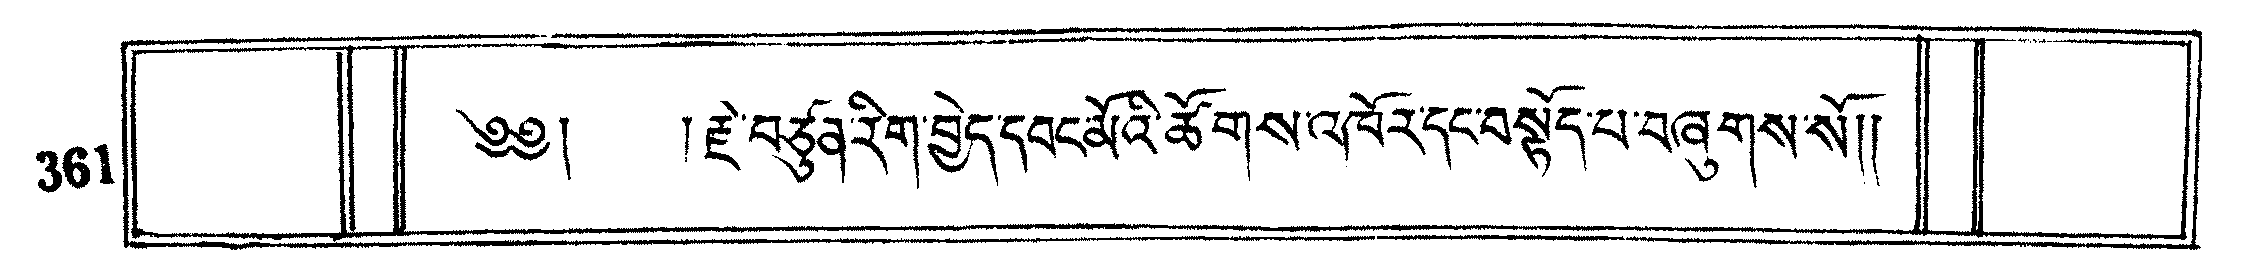༄༅། །རྗེ་བཙུན་རིག་བྱེད་དབང་མོའི་ཚོགས་འཁོར་དང་བསྟོད་པ་བཞུགས་སོ།།